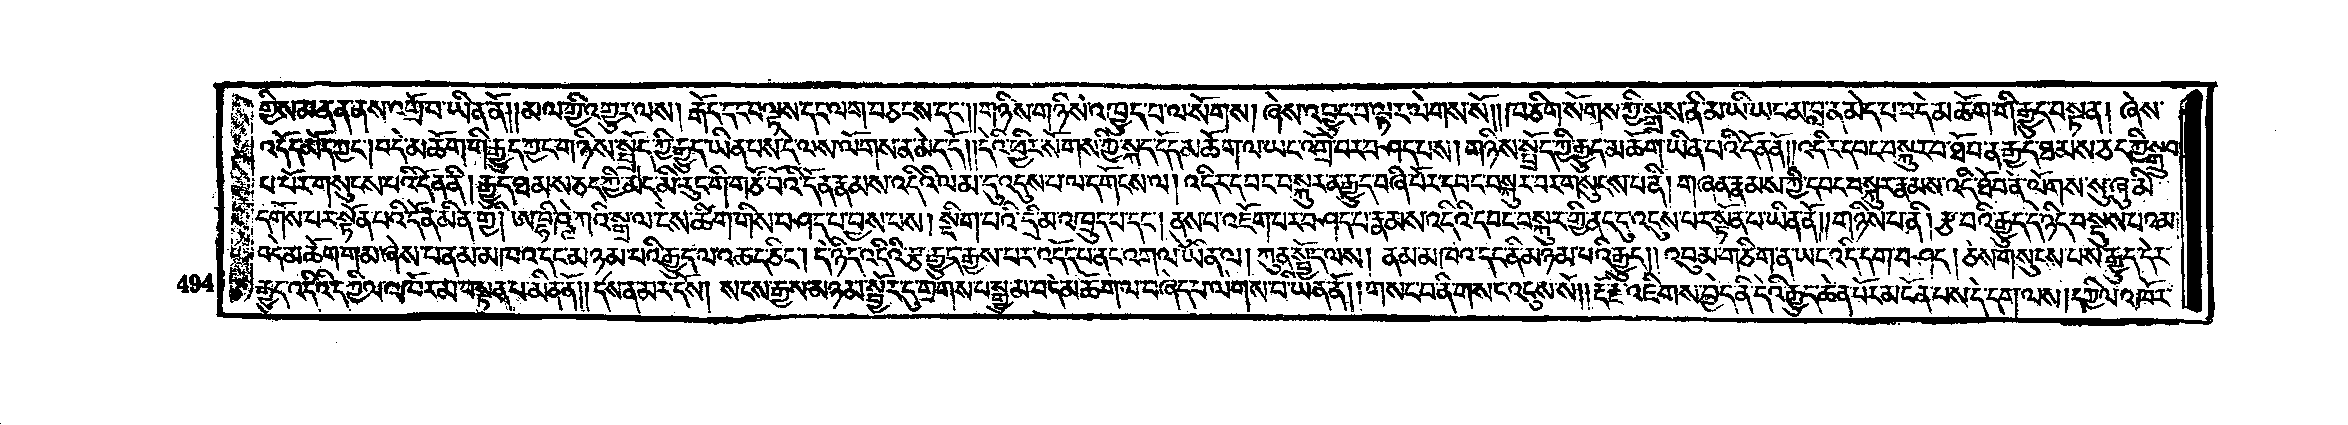གྱིས་མནན་ནས་འགྲོ་བ་ཡིན་ནོ། །མལ་གྱི་འགྱུར་ལས། རྒོད་དང་བལྟས་དང་ལག་བཅངས་དང་། །གཉིས་གཉིས་འཁྱུད་པ་ལ་སོགས། ཞེས་འབྱུང་བ་ལྟར་ལེགས་སོ། །ཁ་ཅིག་སོགས་ཀྱི་སྒྲས་ནི་མ་ཡི་ཡང་མ་བླ་ན་མེད་པ་བདེ་མཆོག་གི་རྒྱུད་བསྟན། ཞེས་
འདོད་མོད་ཀྱང་། བདེ་མཆོག་གི་རྒྱུད་ཀྱང་གཉིས་སྤྲོད་ཀྱི་རྒྱུད་ཡིན་པས་དེ་ལས་ལོགས་ན་མེད་དོ། །དེའི་ཕྱིར་སོགས་ཀྱི་སྐད་དོད་མཆོག་ལ་ཡང་འགྲོ་བར་བཤད་པས། གཉིས་སྤྲོད་ཀྱི་རྒྱུད་མཆོག་ཡིན་པའི་དོན་ནོ། །འདིར་དབང་བསྐུར་བ་ཐོབ་ན་རྒྱུད་ཐམས་ཅད་ཀྱི་སྒྲུབ་
པ་པོར་གསུངས་པའི་དོན་ནི། རྒྱུད་ཐམས་ཅད་ཀྱི་མེད་མི་རུང་གི་གཙོ་བོའི་དོན་རྣམས་འདིའི་ལམ་དུ་འདུས་པ་ལ་དགོངས་ལ། འདིར་དབང་བསྐུར་ན་རྒྱུད་བཞི་པོར་དབང་བསྐུར་བར་གསུངས་པ་ནི། གཞན་རྣམས་ཀྱི་དབང་བསྐུར་རྣམས་འདི་ཐོབ་ན་ལོགས་སུ་ཞུ་མི་
དགོས་པར་སྟོན་པའི་དོན་མིན་གྱི། ཨ་བྷི་ཥE་ཀའི་སྒྲ་ལ་ངེས་ཚིག་གིས་བཤད་པ་བྱས་པས། སྡིག་པའི་དྲི་མ་འཁྲུད་པ་དང་། ནུས་པ་འཇོག་པར་བཤད་པ་རྣམས་འདིའི་དབང་བསྐུར་གྱི་ནང་དུ་འདུས་པར་སྟོན་པ་ཡིན་ནོ། །གཉིས་པ་ནི། རྩ་བའི་རྒྱུད་དེ་ཉིད་བསྡུས་པའམ།
བདེ་མཆོག་གམ་ཞེས་པ་ནམ་མཁའ་དང་མཉམ་པའི་རྒྱུད་ལ་འཆད་ཅིང་། དེ་ཉིད་འདིའི་རྩ་རྒྱུད་རྒྱས་པར་འདོད་པ་ནང་འགལ་ཡིན་ལ། ཀུན་སྤྱོད་ལས། ནམ་མཁའ་དང་ནི་མཉམ་པའི་རྒྱུད། །འབུམ་གཅིག་ན་ཡང་འདི་དག་བཤད། ཅེས་གསུངས་པས་རྒྱུད་དེར་
རྒྱུད་འདིའི་དཀྱིལ་འཁོར་མ་བསྟན་པ་མིན་ནོ། །དེས་ན་མར་དོས། སངས་རྒྱས་མཉམ་སྦྱོར་དུ་གྲགས་པ་སྒྱུ་མ་བདེ་མཆོག་ལ་བཞེད་པ་ལེགས་པ་ཡིན་ནོ། །གསང་བ་ནི་གསང་འདུས་སོ། །རྡོ་རྗེ་འཇིགས་བྱེད་ནི་དེའི་རྒྱུད་ཆེན་པོར་མངོན་པས་དེ་དག་ལས། དཀྱིལ་འཁོར་